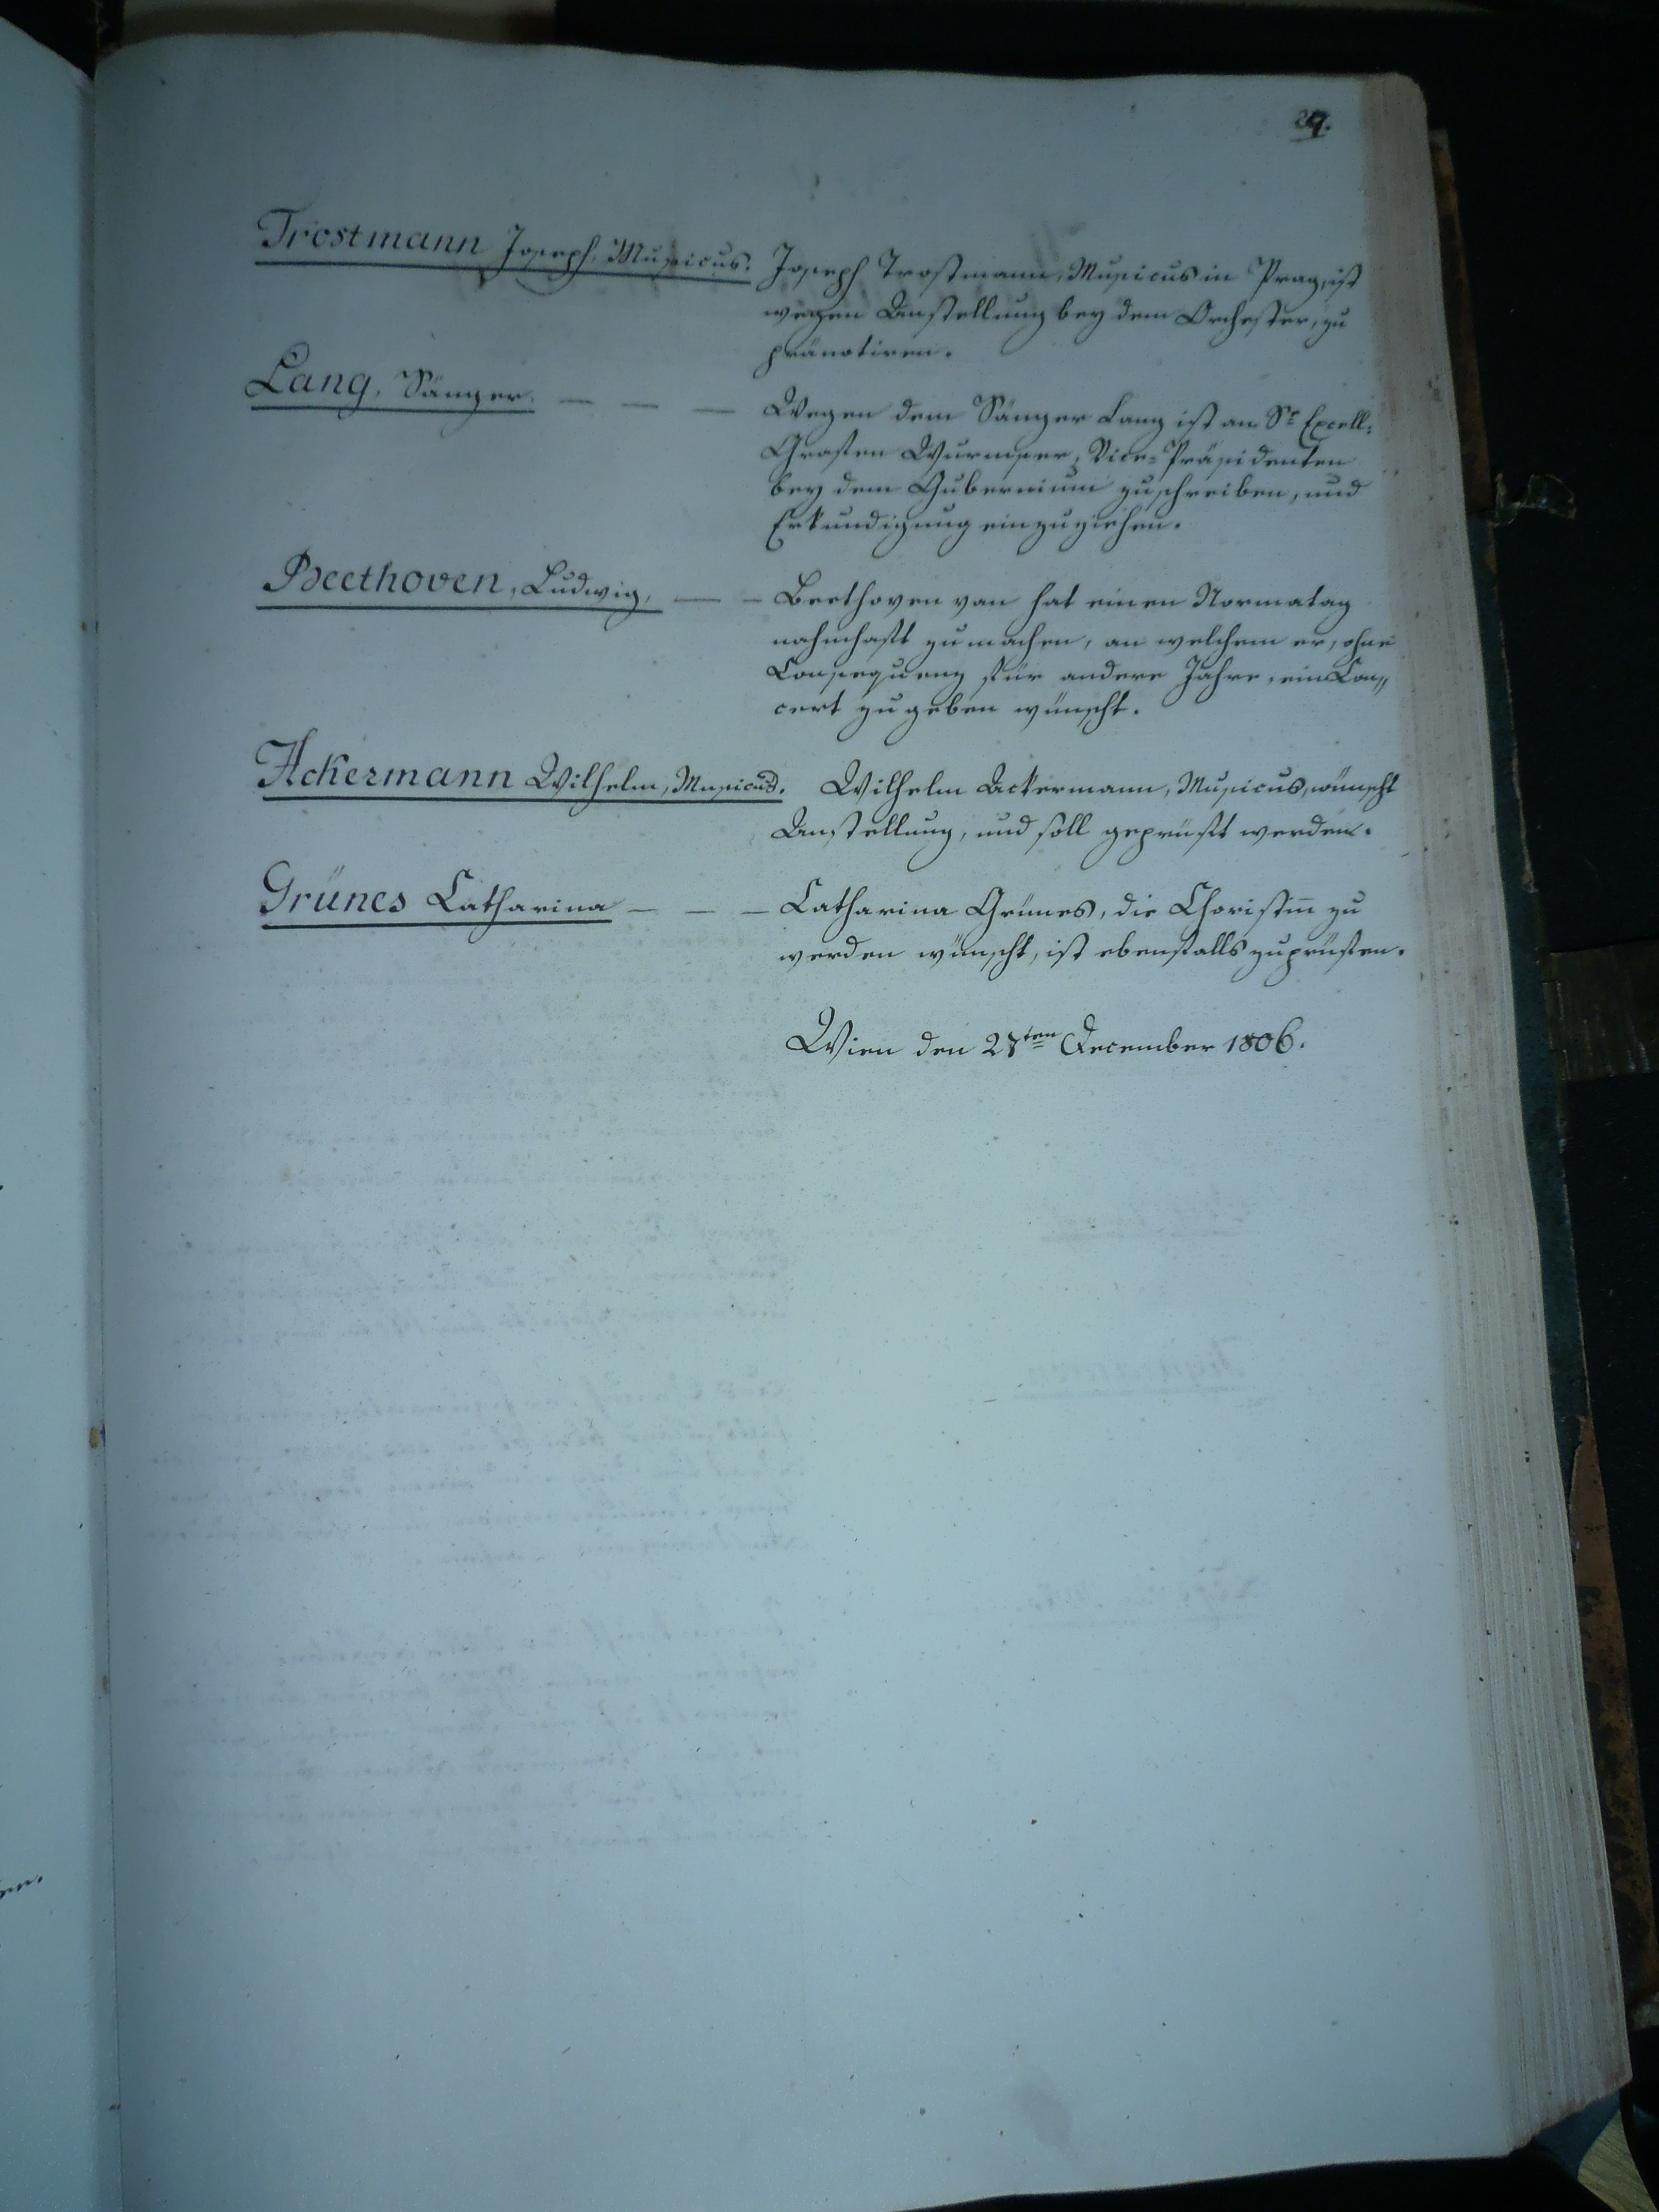29.
Trostmann Joseph, Musicus. Joseph Trostmann, Musicus in Prag, ist
wegen Anstellung bey dem Orchester, zu
pränotiren.
Lang, Sänger. _ _ _ Wegen dem Sänger Lang ist an Se͇ Excell:
Grafen Wurmser, Vice=Präsidenten
bey dem Gubernium zuschreiben, und
Erkundigung einzuziehen.
Beethoven, Ludwig, _ _ Beethoven van hat einen Normatag
nahmhaft zu machen, an welchem er, ohne
Consequenz für andere Jahre, ein Con¬
cert zugeben wünscht.
Ackermann Wilhelm, Musicus. Wilhelm Ackermann, Musicus, wünscht
Anstellung, und soll geprüft werden.
Grünes Catharina _ _ _ Catharina Grünes, die Choristin̅ zu
werden wünscht, ist ebenfalls zuprüfen.
Wien den 27te͇n December 1806.